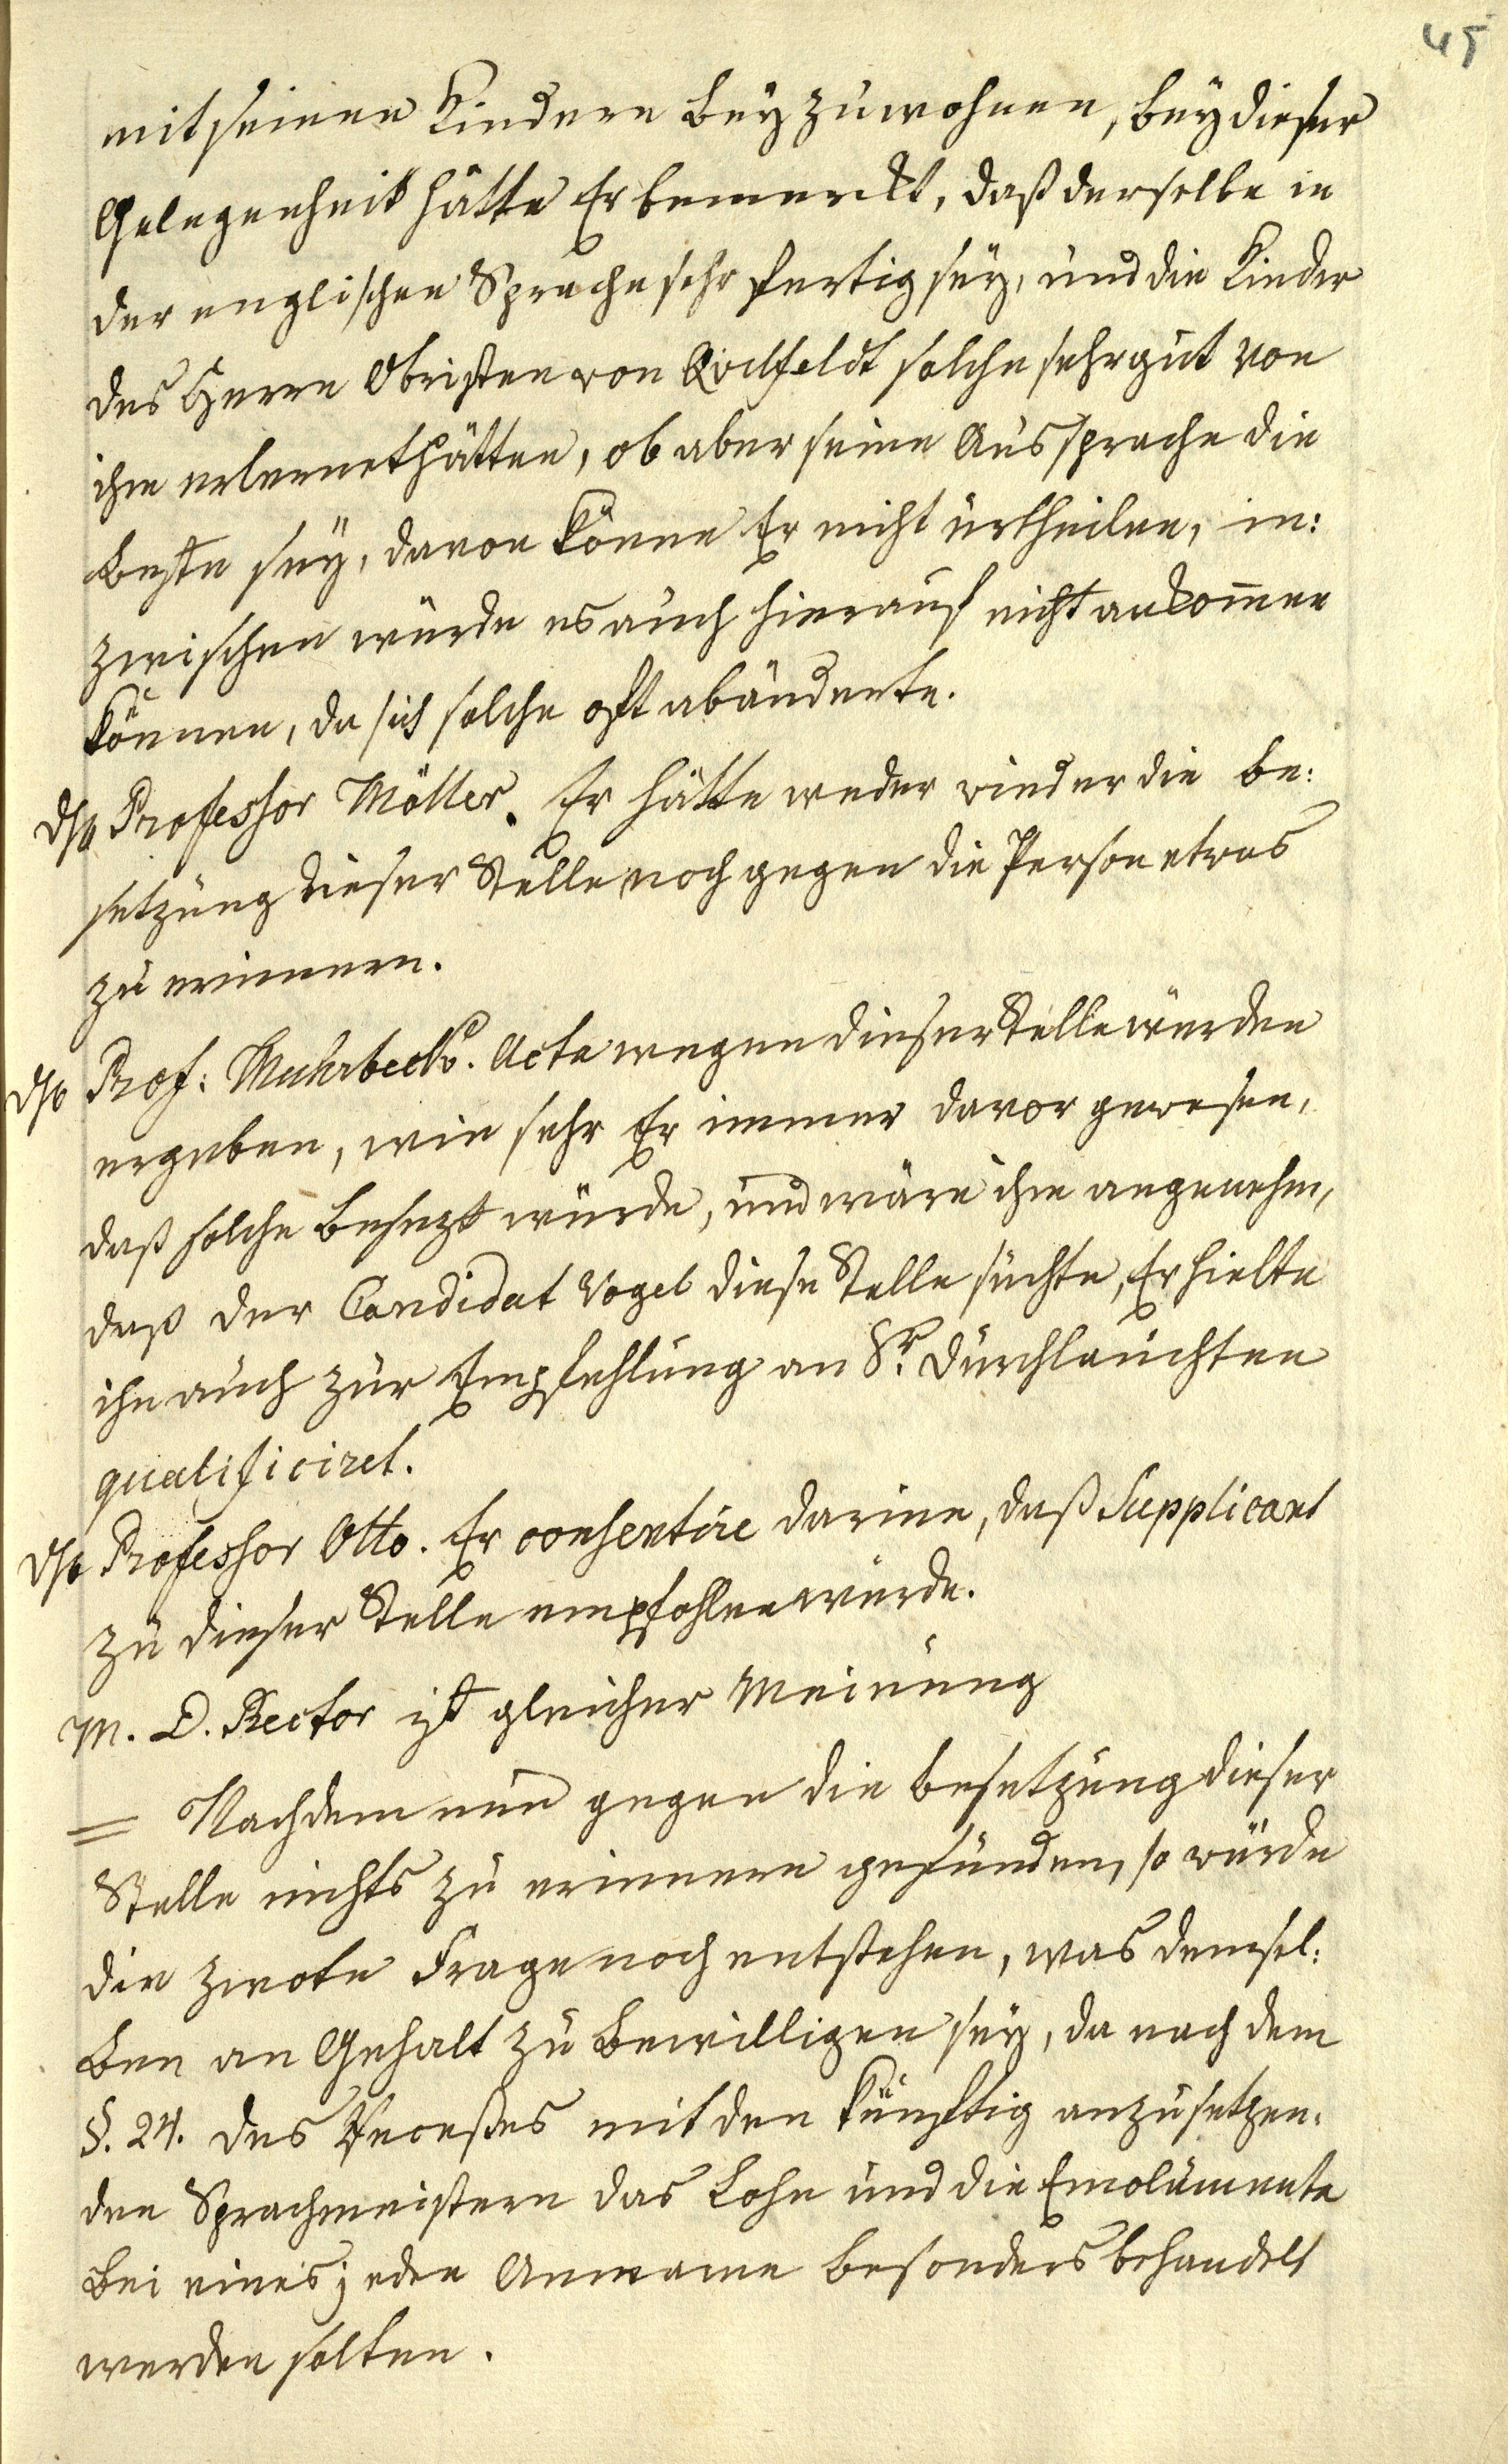mit seinen Kindern beÿzuwohnen, beÿ dieser
Gelegenheit hätte Er bemerckt, daß derselbe in
der englischen Sprache sehr fertig seÿ, und die Kinder
des Herrn Obristen von Quilfeldt solche sehr gut von
ihm erlernethätten, ob aber seine Aussprache die
beste seÿ, davon könne Er nicht urtheilen, in¬
zwischen würde es auch hierauf nicht ankomen
können, da sich solche oft abänderte.
dh Professor Möller. Er hätte weder wieder die Be¬
setzung dieser Stellen noch gegen die Person etwas
zu erinnern.
dh Prof. Muhrbeck. Acta wegen dieser Stelle würden
ergeben, wie sehr Er immer davor gewesen,
daß solche besezt würde, und wäre ihm angenehm,
daß der Candidat Vogel diese Stelle suchte, Er hielte
ihn auch zur Empfehlung an Sr Durchlauchten
qualificiret.
dh Professor Otto. Er consentire darin, daß Supplicant
zu dieser Stelle empfohlen würde.
M. D. Rector ist gleicher Meinung.
Nachdem nun gegen die Besetzung dieser
Stelle nichts zu erinnern gefunden, so würde
die zwote Frage noch entstehen, was demsel¬
ben an Gehalt zu bewilligen seÿ, da nach dem
§. 24. des Receßes mit den künftig anzusetzen¬
den Sprachmeistern das Lohn und die Emolumente
bei eines jeden Anname besonders behandelt
werden solten.